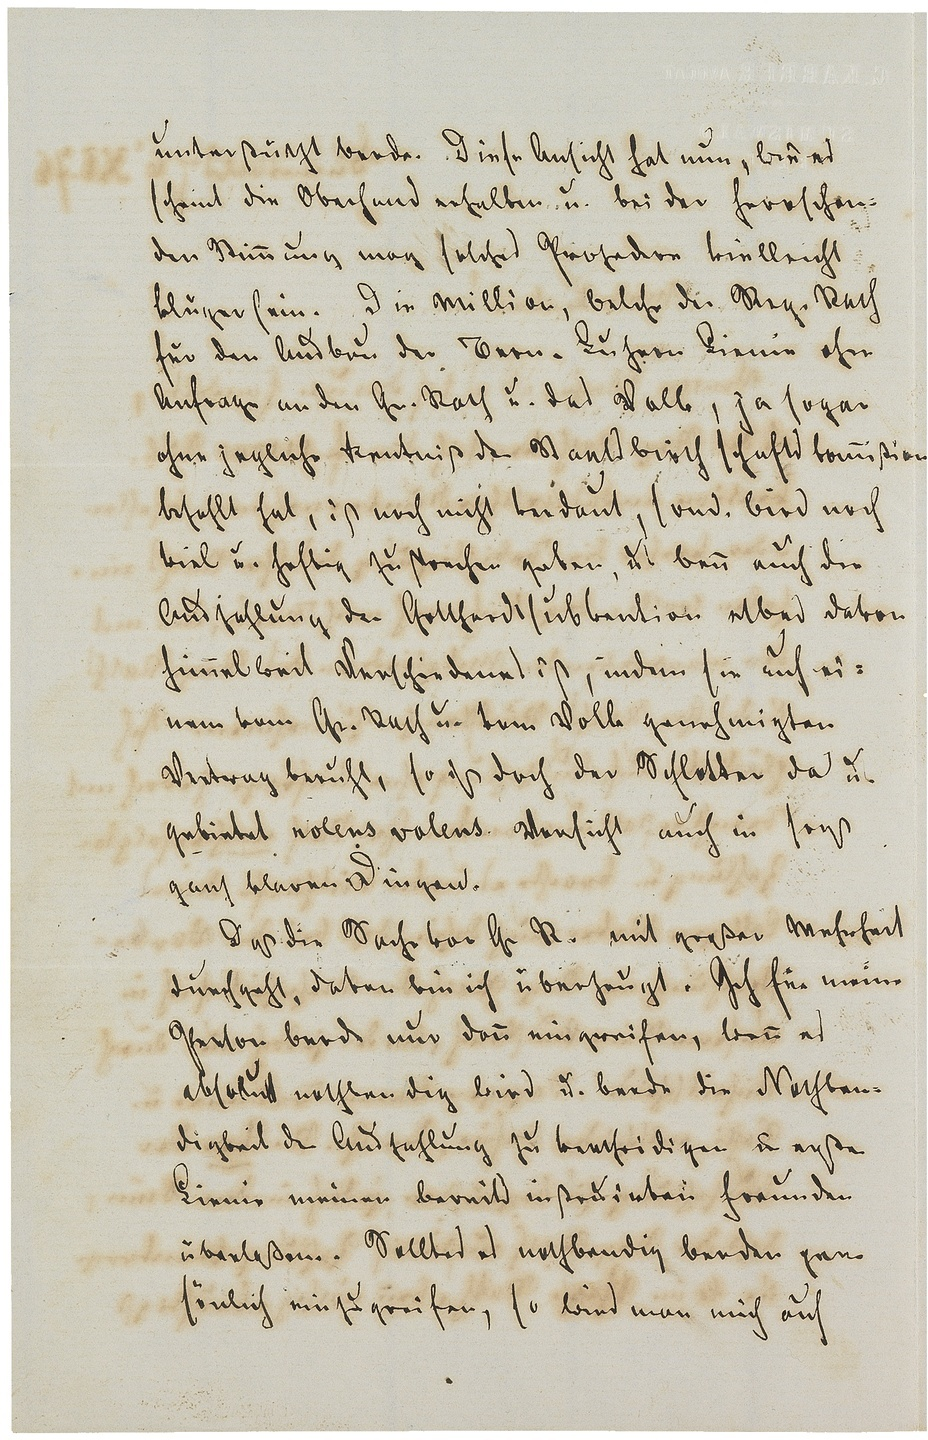unterstützt werde. Diese Ansicht hat nun, wie es
scheint die Oberhand erhalten u. bei der herrschen-
den Stimmung mag solches Prozedere vielleicht
klüger sein. Die Million, welche der Reg.Rath
für den Ausbau der Bern–Luzern Linie ohne
Anfrage an den Gr. Rath u. das Volk, ja sogar
ohne jegliche Kenntniß der Staatswirthschaftskommißion
bezahlt hat, ist noch nicht verdaut, sond. wird noch
viel u. heftig zu sprechen geben, u. wenn auch die
Auszahlung der Gotthardtsubvention etwas davon
himmelweit Verschiedenes ist, indem sie auf ei-
nem vom Gr. Rath u. vom Volk genehmigten
Vertrag beruht, so ist doch der Schlotter da u.
gebietet nolens volens Vorsicht auch in sonst
ganz klaren Dingen.
Daß die Sache vor GrR. mit großer Mehrheit
durchgeht, davon bin ich überzeugt. Ich für meine
Person werde nur dann eingreifen, wenn es
absolut nothwendig wird u. werde die Nothwen-
digkeit der Auszahlung zu vertheidigen in erster
Linie meinen bereits instruirten Freunden
überlaßen. Sollte es nothwendig werden per-
sönlich einzugreifen, so wird man mich auf